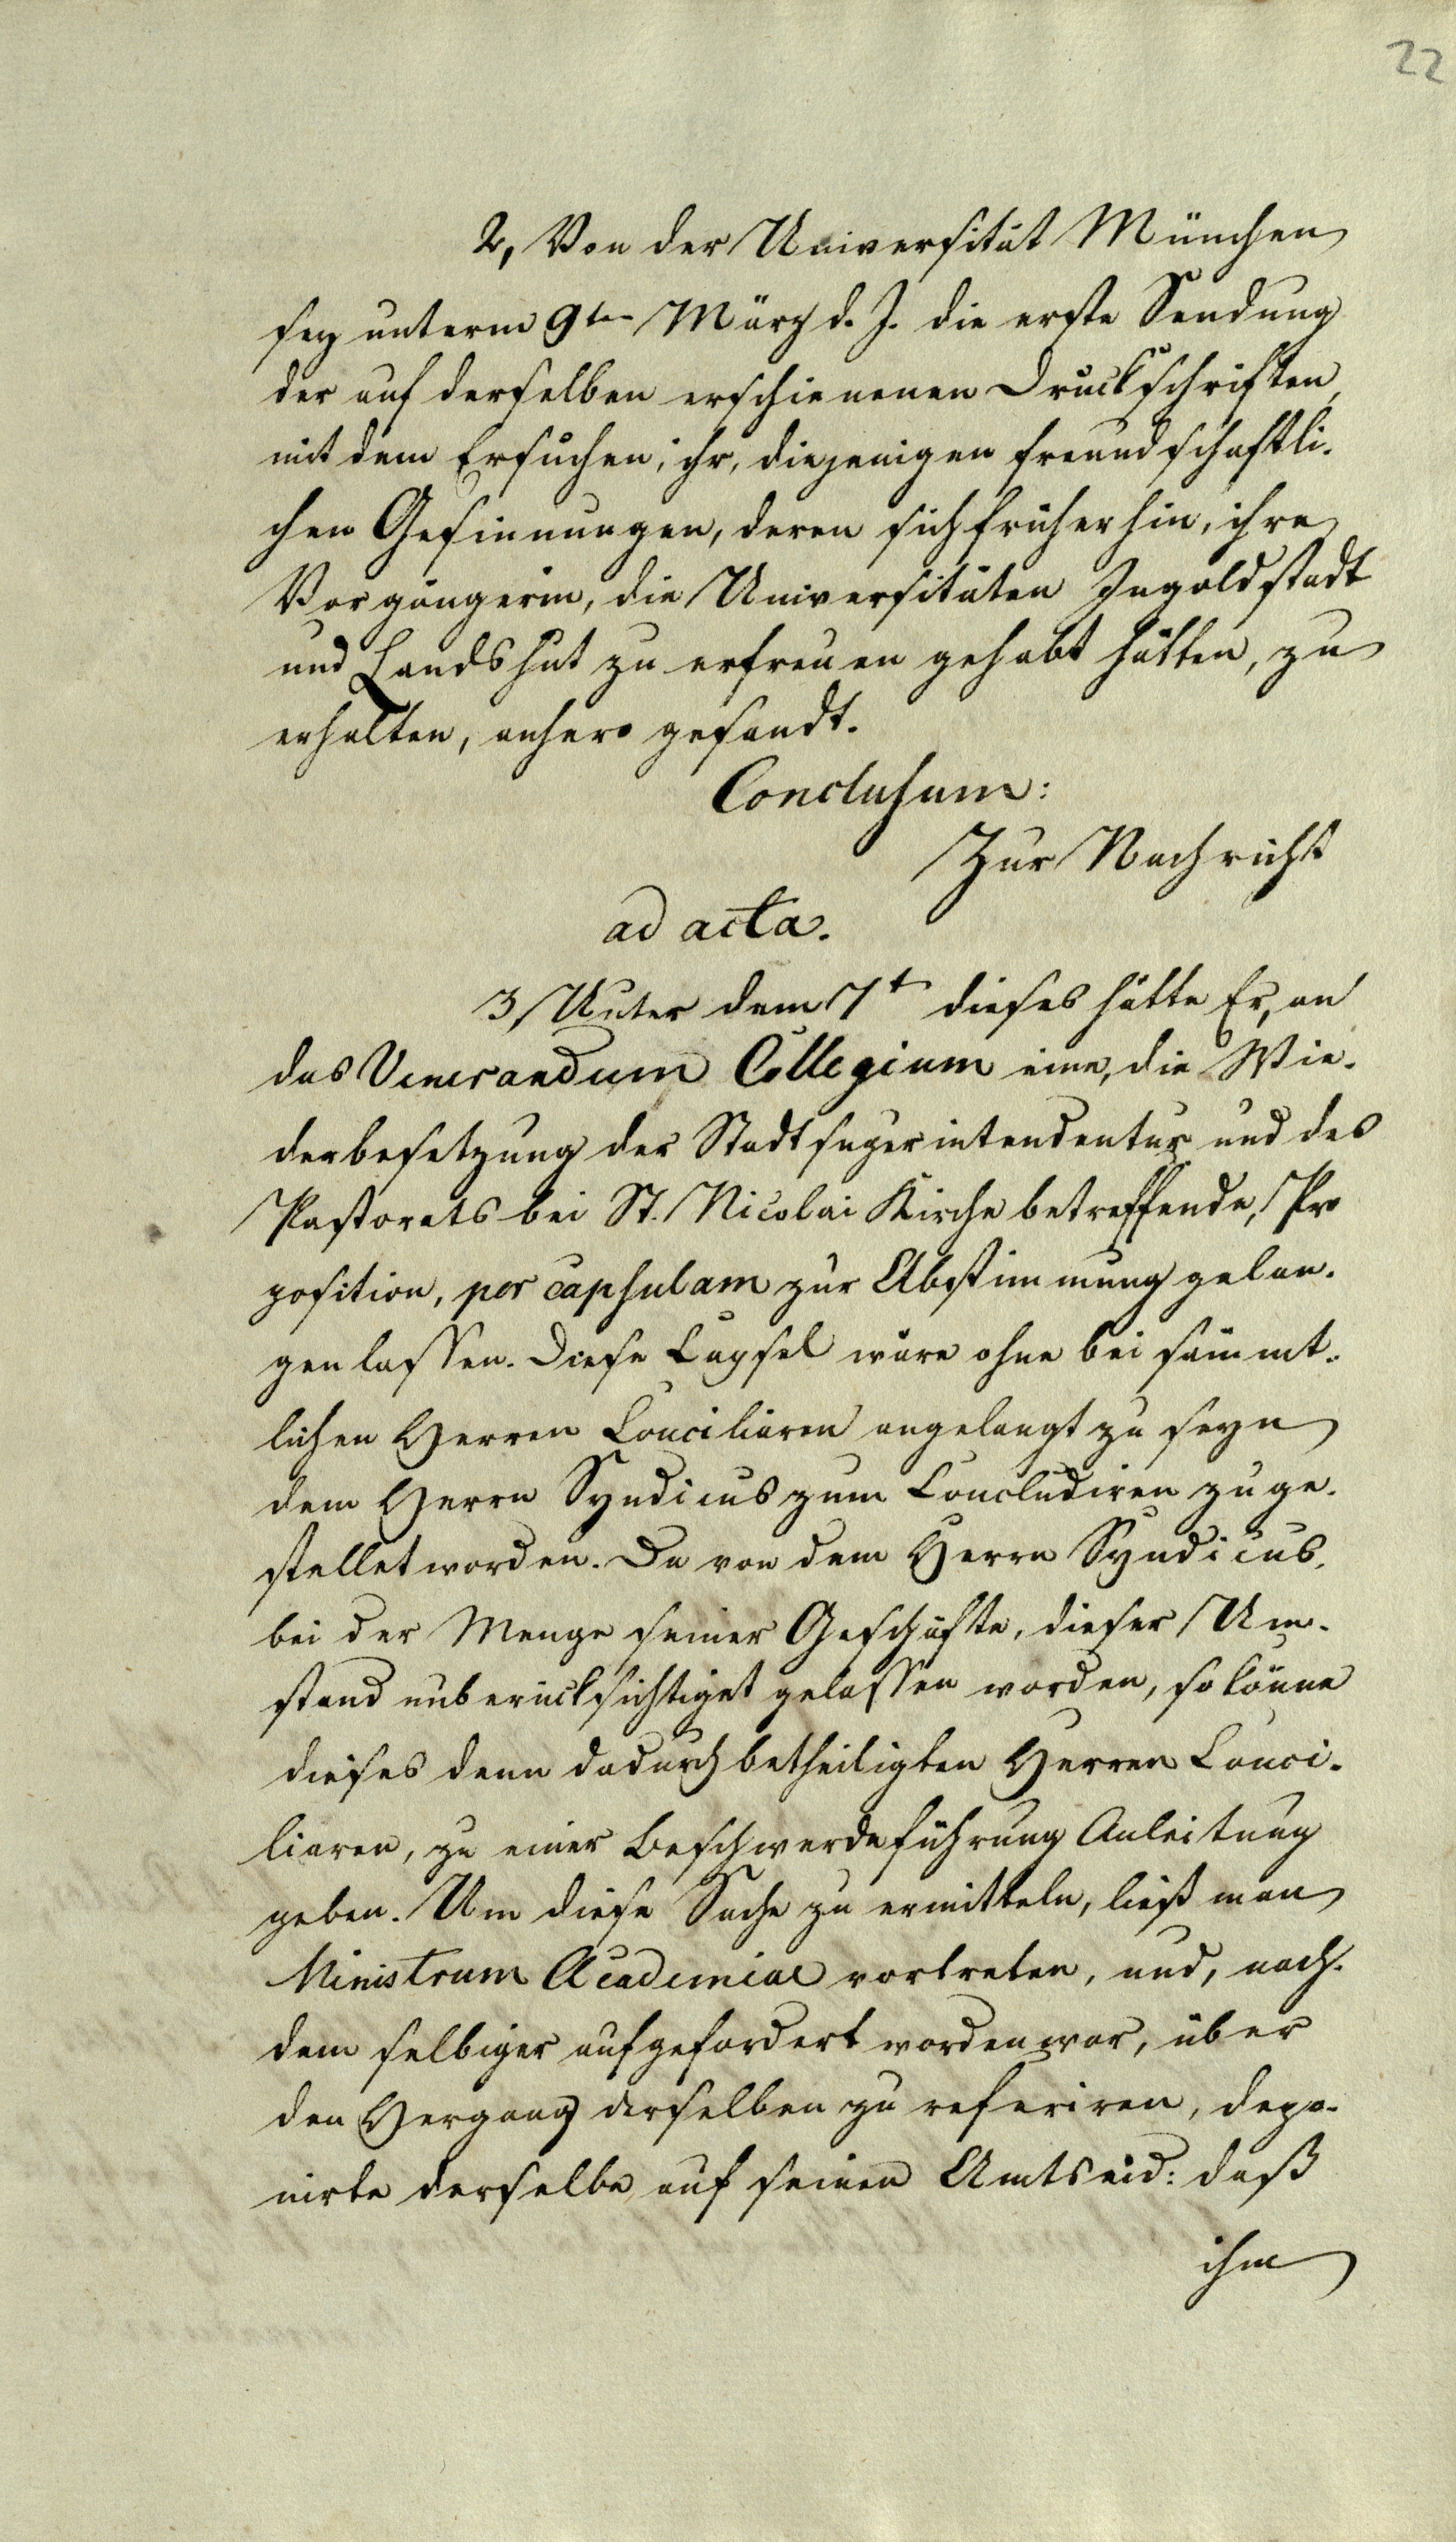2. Von der Universität München
sey unterm 9 ten März d. J. die erste Sendung
der auf derselben erschienenen Druckschriften
mit dem Ersuchen, ihr, diejenigen freundschaftli¬
chen Gesinnungen, deren sich früher hin, ihre,
Vorgängerin, die Universitäten Ingoldstadt
und Landshut zu erfreuen gehabt hätten, zu
erhalten, anhero gesandt.
Conclusum:
zur Nachricht
ad acta.
3. Unter dem 7 ten dieses hätte Er, an
das Venerandum Collegium eine, die Wie¬
derbesetzung der Stadtsuperintendentur und des
Pastorats bei St. Nicolai Kirche betreffende, Pro¬
position, per capsulam zur Abstimmung gelan¬
gen lassen. Diese Capsel wäre ohne bei sämmt¬
lichen Herren Conciliaren angelangt zu seyn
dem Herrn Syndicus zum Concludiren zuge¬
stellet worden. Da von dem Herrn Syndicus
bei der Menge seiner Geschäfte, dieser Um¬
stand unberücksichtiget gelassen worden, so könne
dieses denn dadurch betheiligten Herren Conci¬
liaren, zu einer Beschwerdeführung Anleitung
geben. Um diese Sache zu ermitteln, ließ man
Ministrum Academiae vortreten, und, nach¬
dem selbiger aufgefordert worden war, über
den Hergang derselben zu referiren, depo¬
nirte derselbe auf seinen Amtseid: daß
ihm